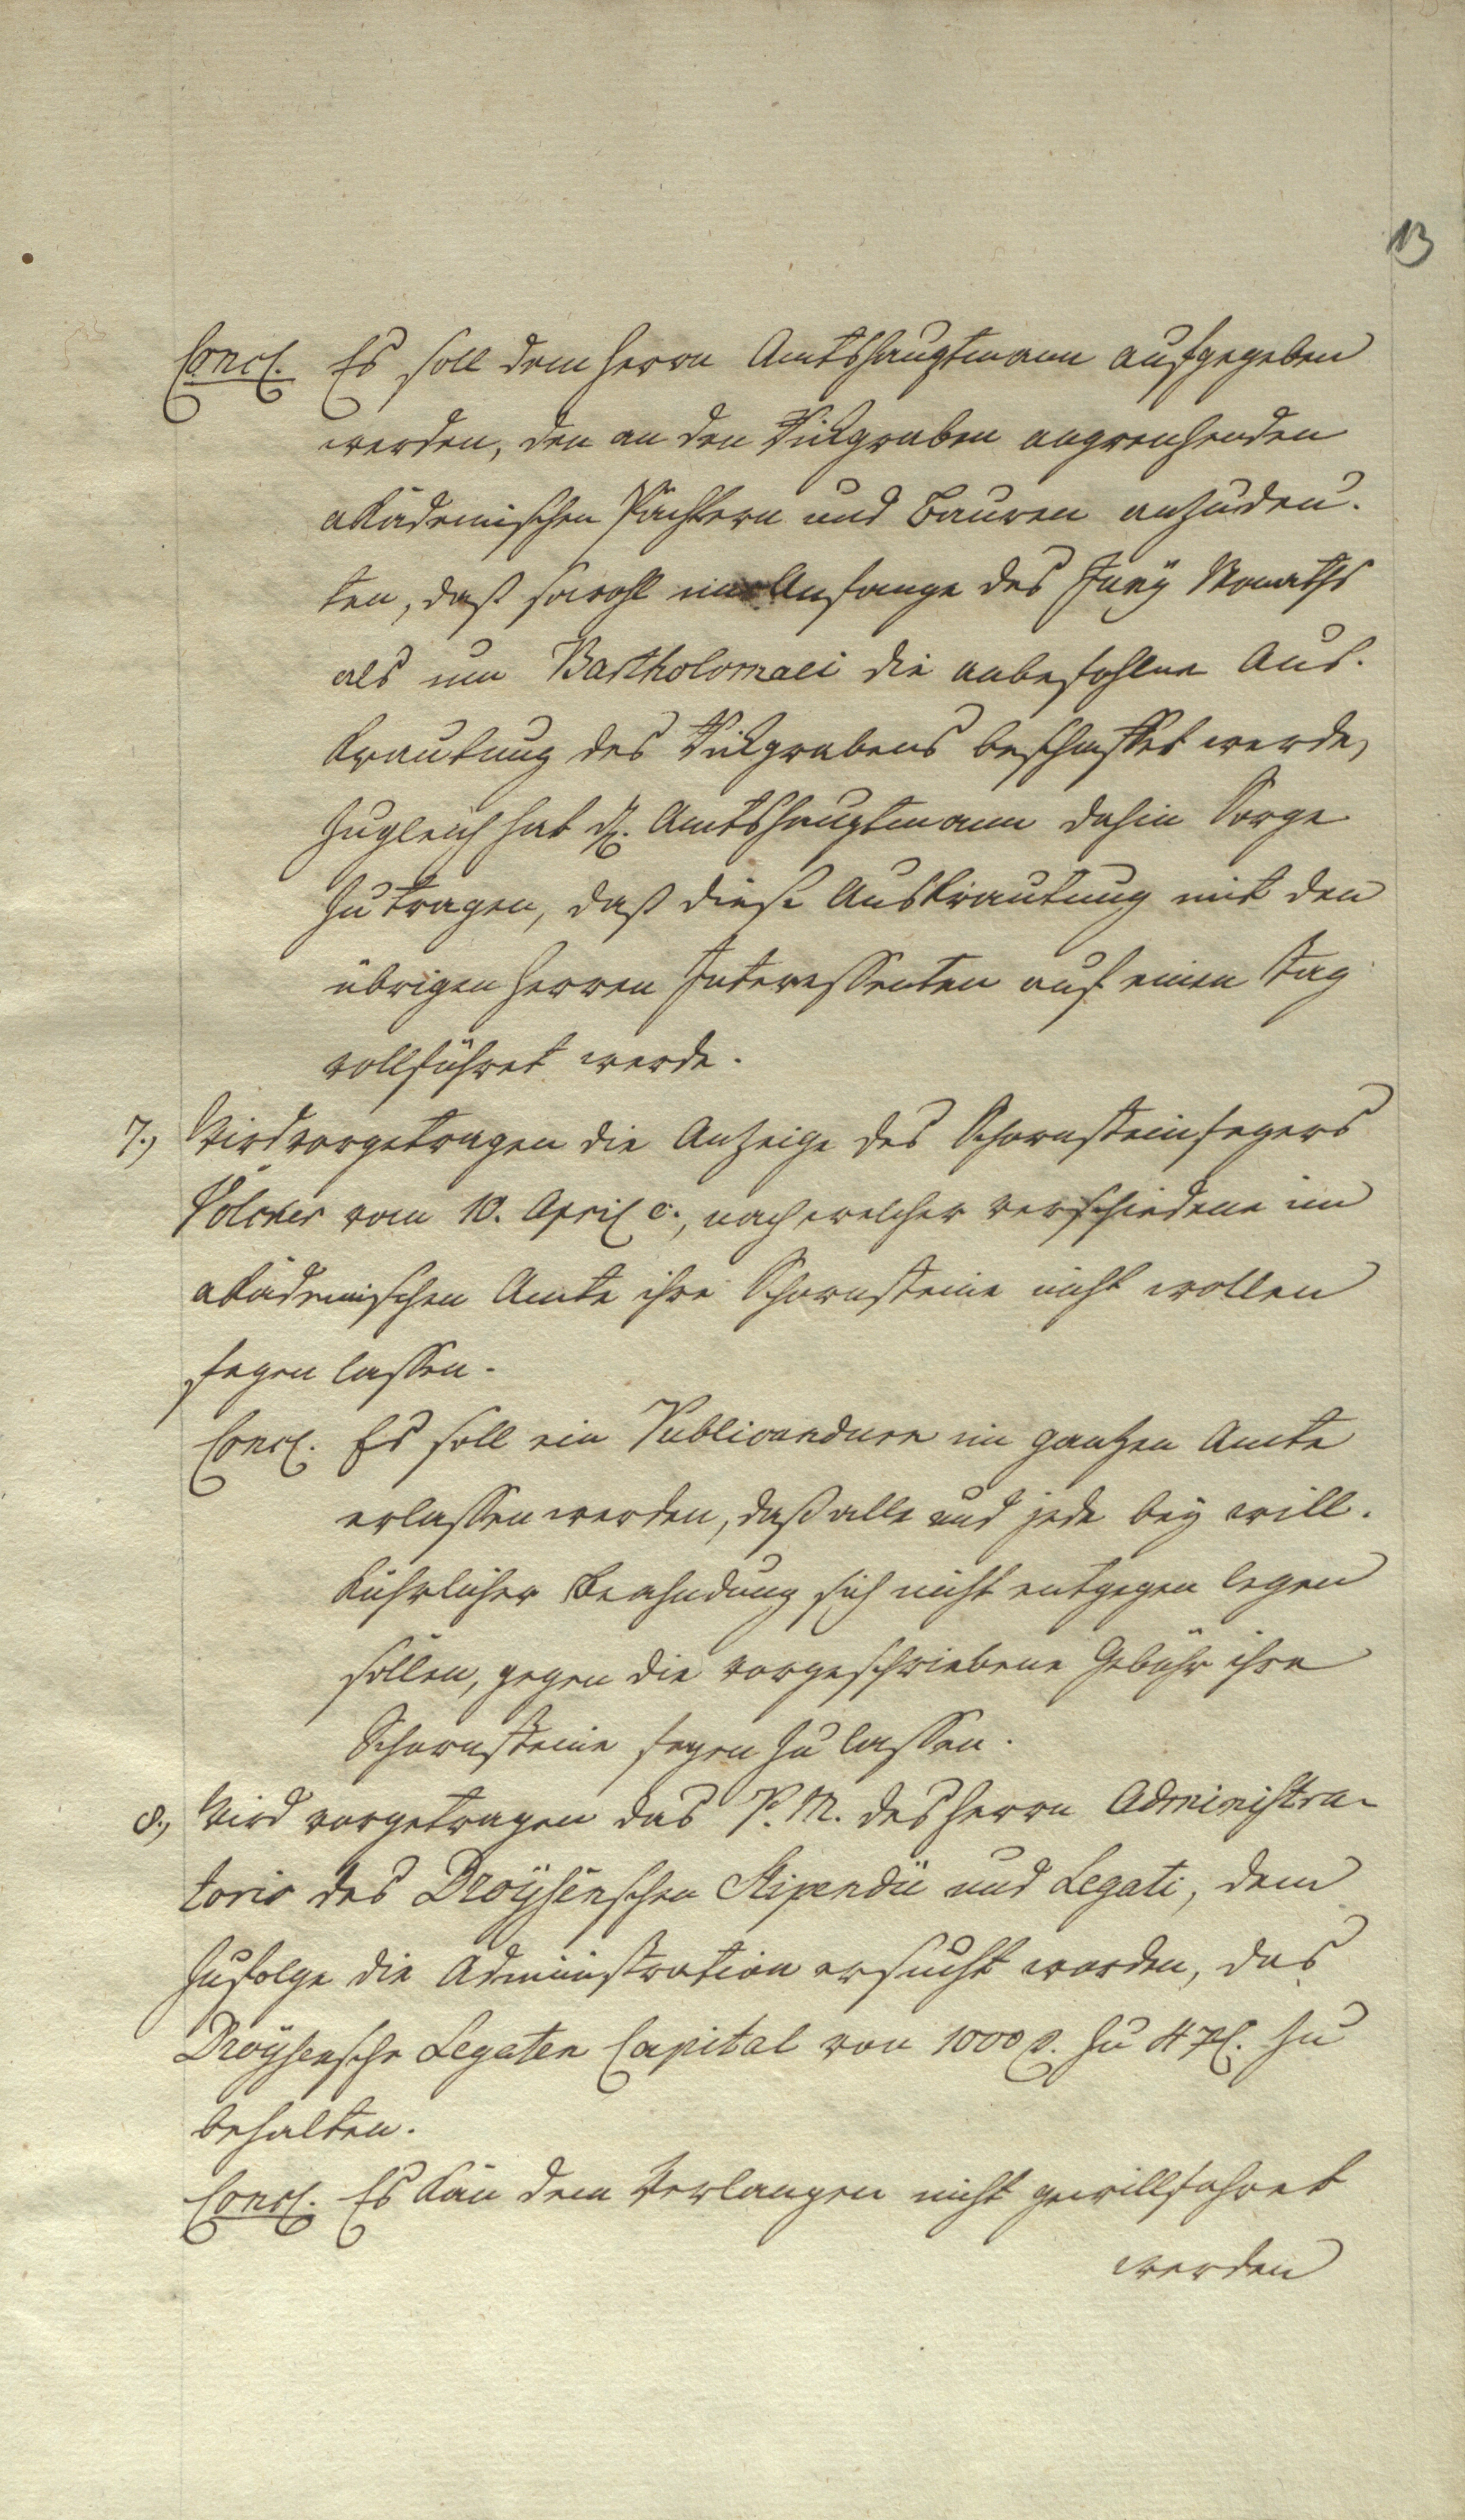Concl. Es soll dem Herrn Amtshauptmann aufgegeben
werden, den an den Rickgraben angrenzenden
akademischen Pächtern und Bauren anzudeu¬
ten, daß sowohl im Anfange des Juny Monaths
als um Bartholomaei die anbefohlne Aus¬
krautung des Rickgrabens beschaffet werde,
zugleich hat dh. Amtshauptmann dahin Sorge
zu tragen, daß diese Auskrautung mit den
übrigen Herren Interessenten auf einen Tag
vollführet werde.
7., Wird vorgetragen die Anzeige des Schornsteinfegers
Volcker vom 10. April c., nach welcher verschiedene im
akademischen Amte ihre Schornsteine nicht wollen
fegen lassen.
Concl. Es soll ein Publicandum im gantzen Amte
erlassen werden, daß alle und jede bey will¬
kührlicher Beahndung sich nicht entgegen legen
sollen, gegen die vorgeschriebene Gebühr ihre
Schornsteine fegen zu lassen.
Wird vorgetragen das P. M. des Herrn Adeministra¬
toris des Droysenschen Stipendii und Legati, dem
zufolge die Administration ersucht worden, das
Droysensche Legaten Capital von 1000 rtl. zu 47 rtl. zu
behalten.
Concl. Es kan dem Verlangen nicht gewillfahret
werden